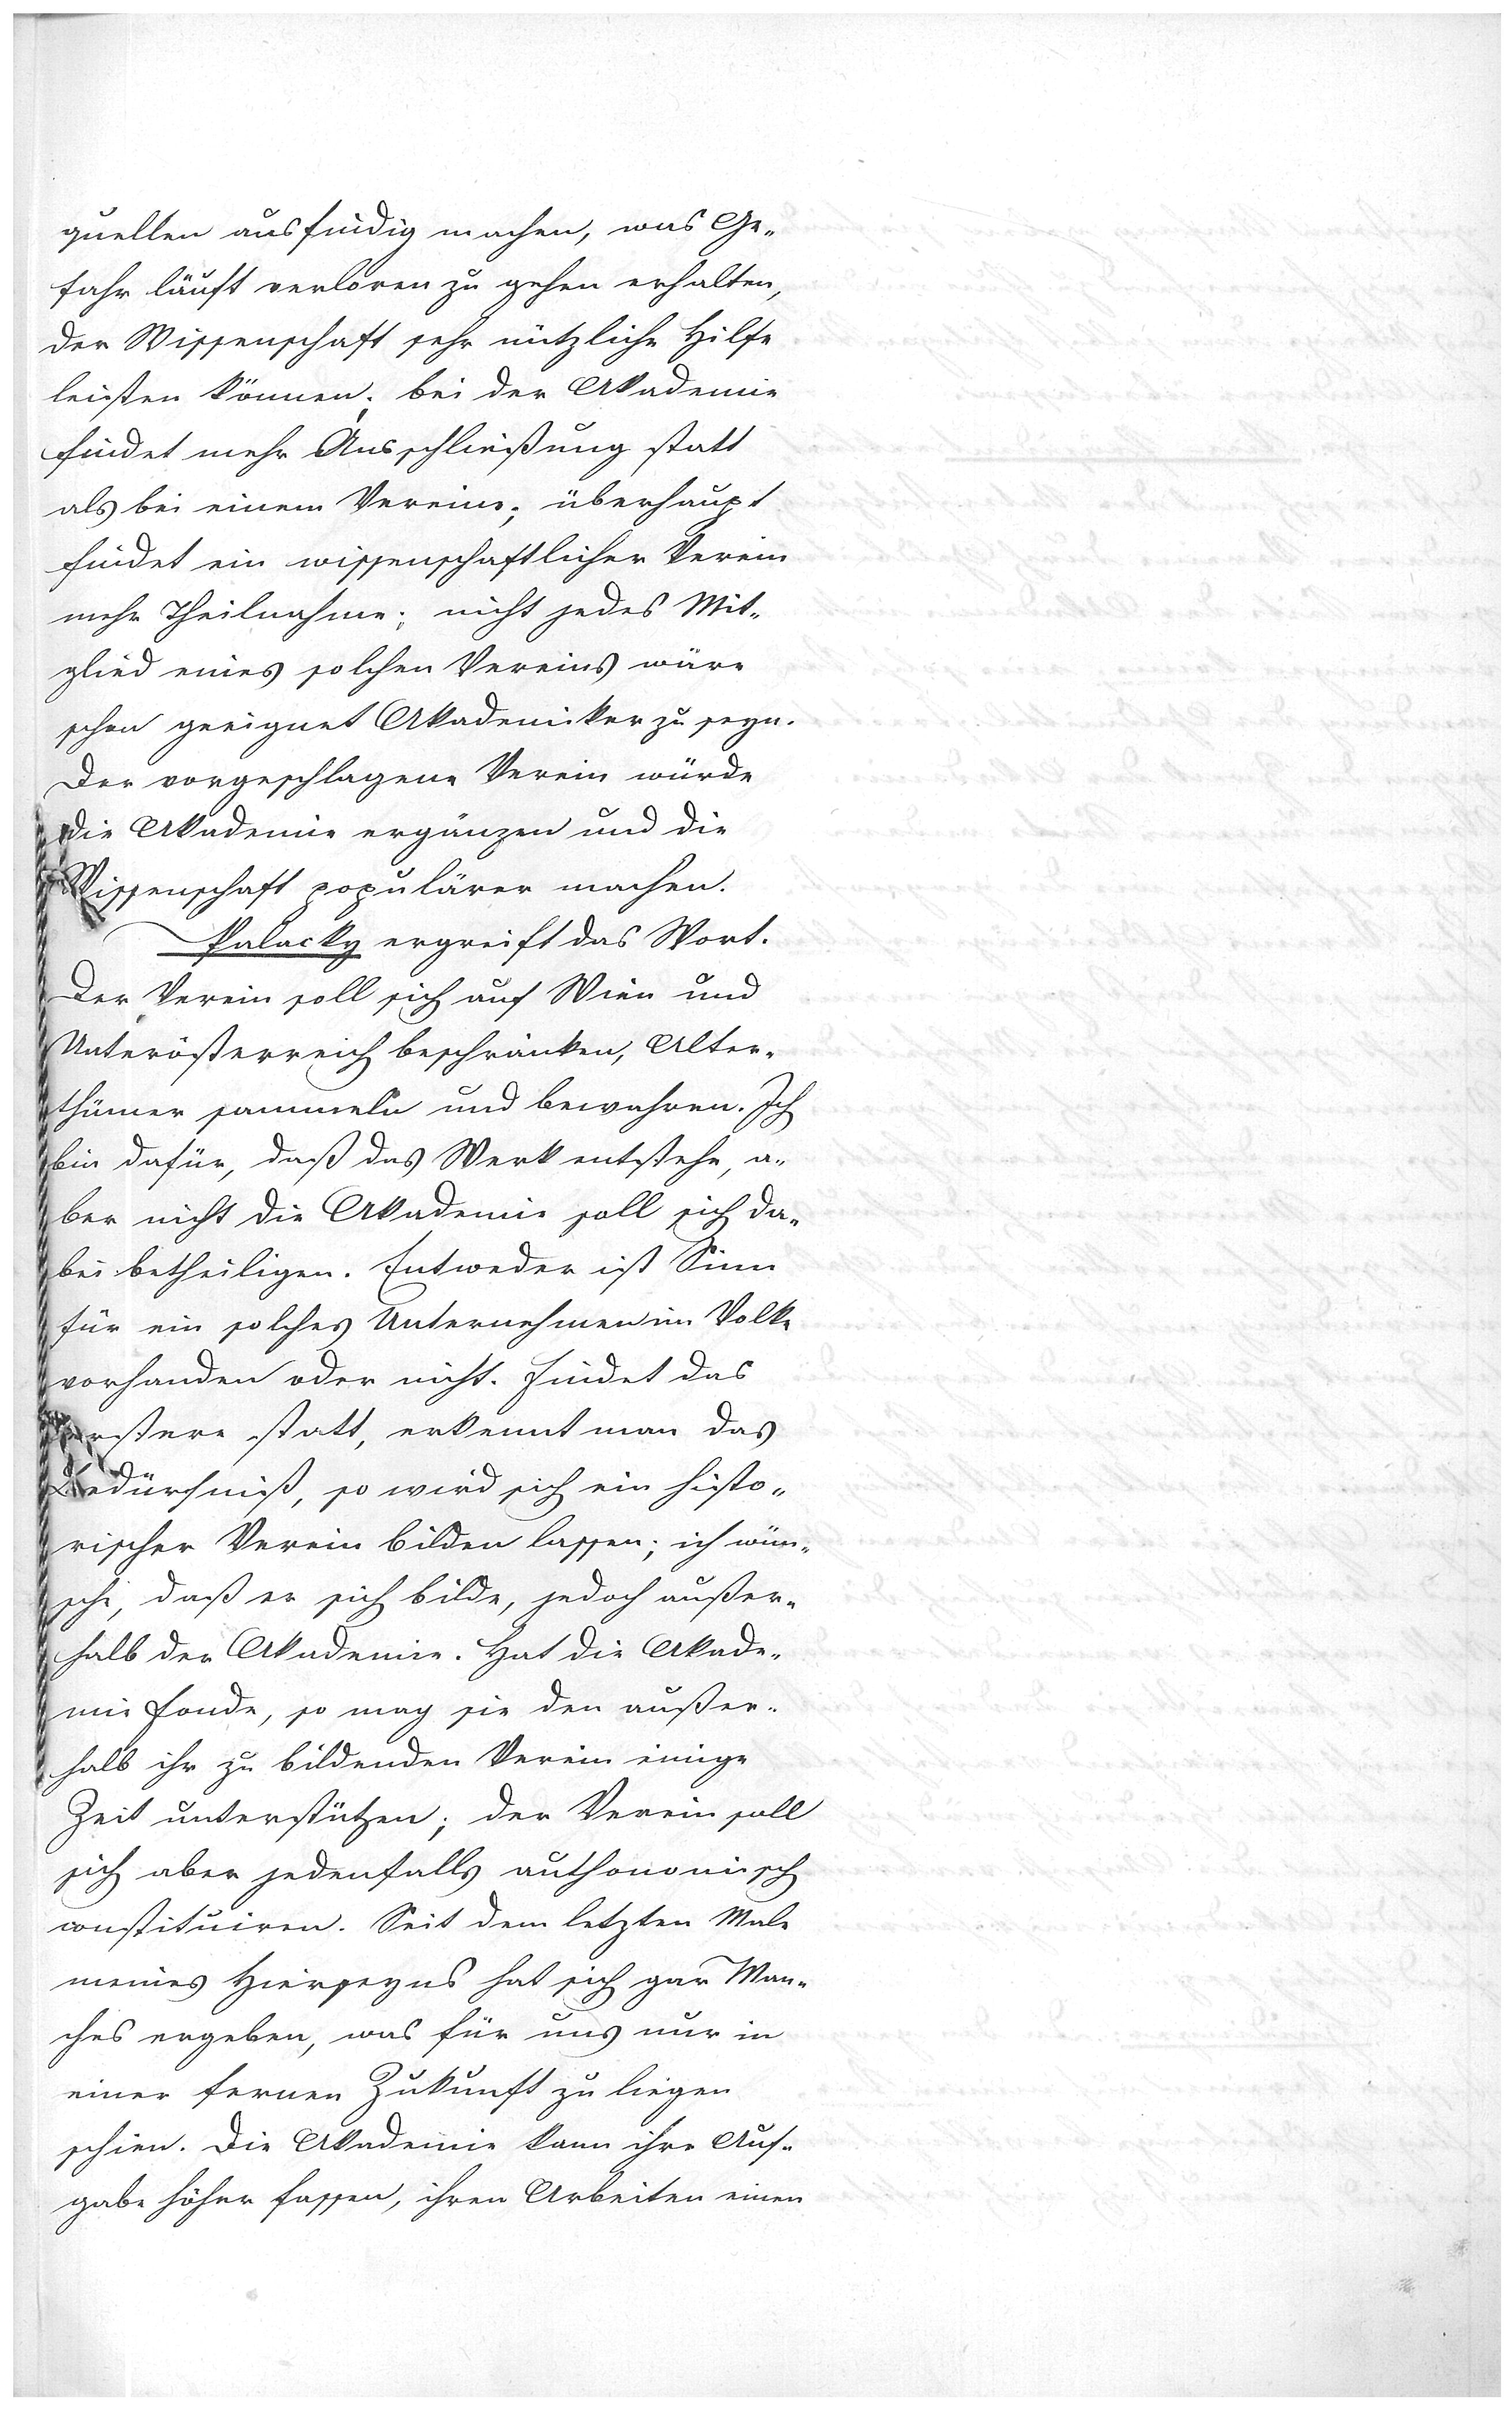quellen ausfindig machen, was Ge-
fahr läuft verloren zu gehen erhalten,
der Wissenschaft sehr nützliche Hilfe
leisten können; bei der Akademie
findet mehr Ausschließung statt
als bei einem Vereine; überhaupt
findet ein wissenschaftlicher Verein
mehr Theilnahme; nicht jedes Mit-
glied eines solchen Vereins wäre
schon geeignet Akademiker zu seyn.
Der vorgeschlagenen Verein würde
die Akademie ergänzen und die
Wissenschaft populärer machen.
Palacky ergreift das Wort.
Der Verein soll sich auf Wien und
Unterösterreich beschränken, Alter-
thümer sammeln und bewahren. Ich
bin dafür, daß das Werk entstehe, a-
ber nicht die Akademie soll sich da-
bei betheiligen. Entweder ist Sinn
für ein solches Unternehmenin im Volk
vorhanden oder nicht. Findet das
erstere statt, erkannt man das
Bedürfniß, so wird sich ein histo-
rischer Verein bilden lassen; ich wün-
sche, daß er sich bilde, jedoch außer-
halb der Akademie. Hat die Akade-
mie Fonde, so mag sie den außer-
halb ihr zu bildenden Verein einige
Zeit unterstützen; der Verein soll
sich aber jedenfalls authonomisch
sonstituiren. Seit dem letzten Male
meines Hierseyns hat sich gar Man-
ches ergeben, was für uns nur in
einer fernen Zukunft zu liegen
schien. Die Akademie kann ihre Auf-
gabe höher fassen, ihren Arbeiten einen